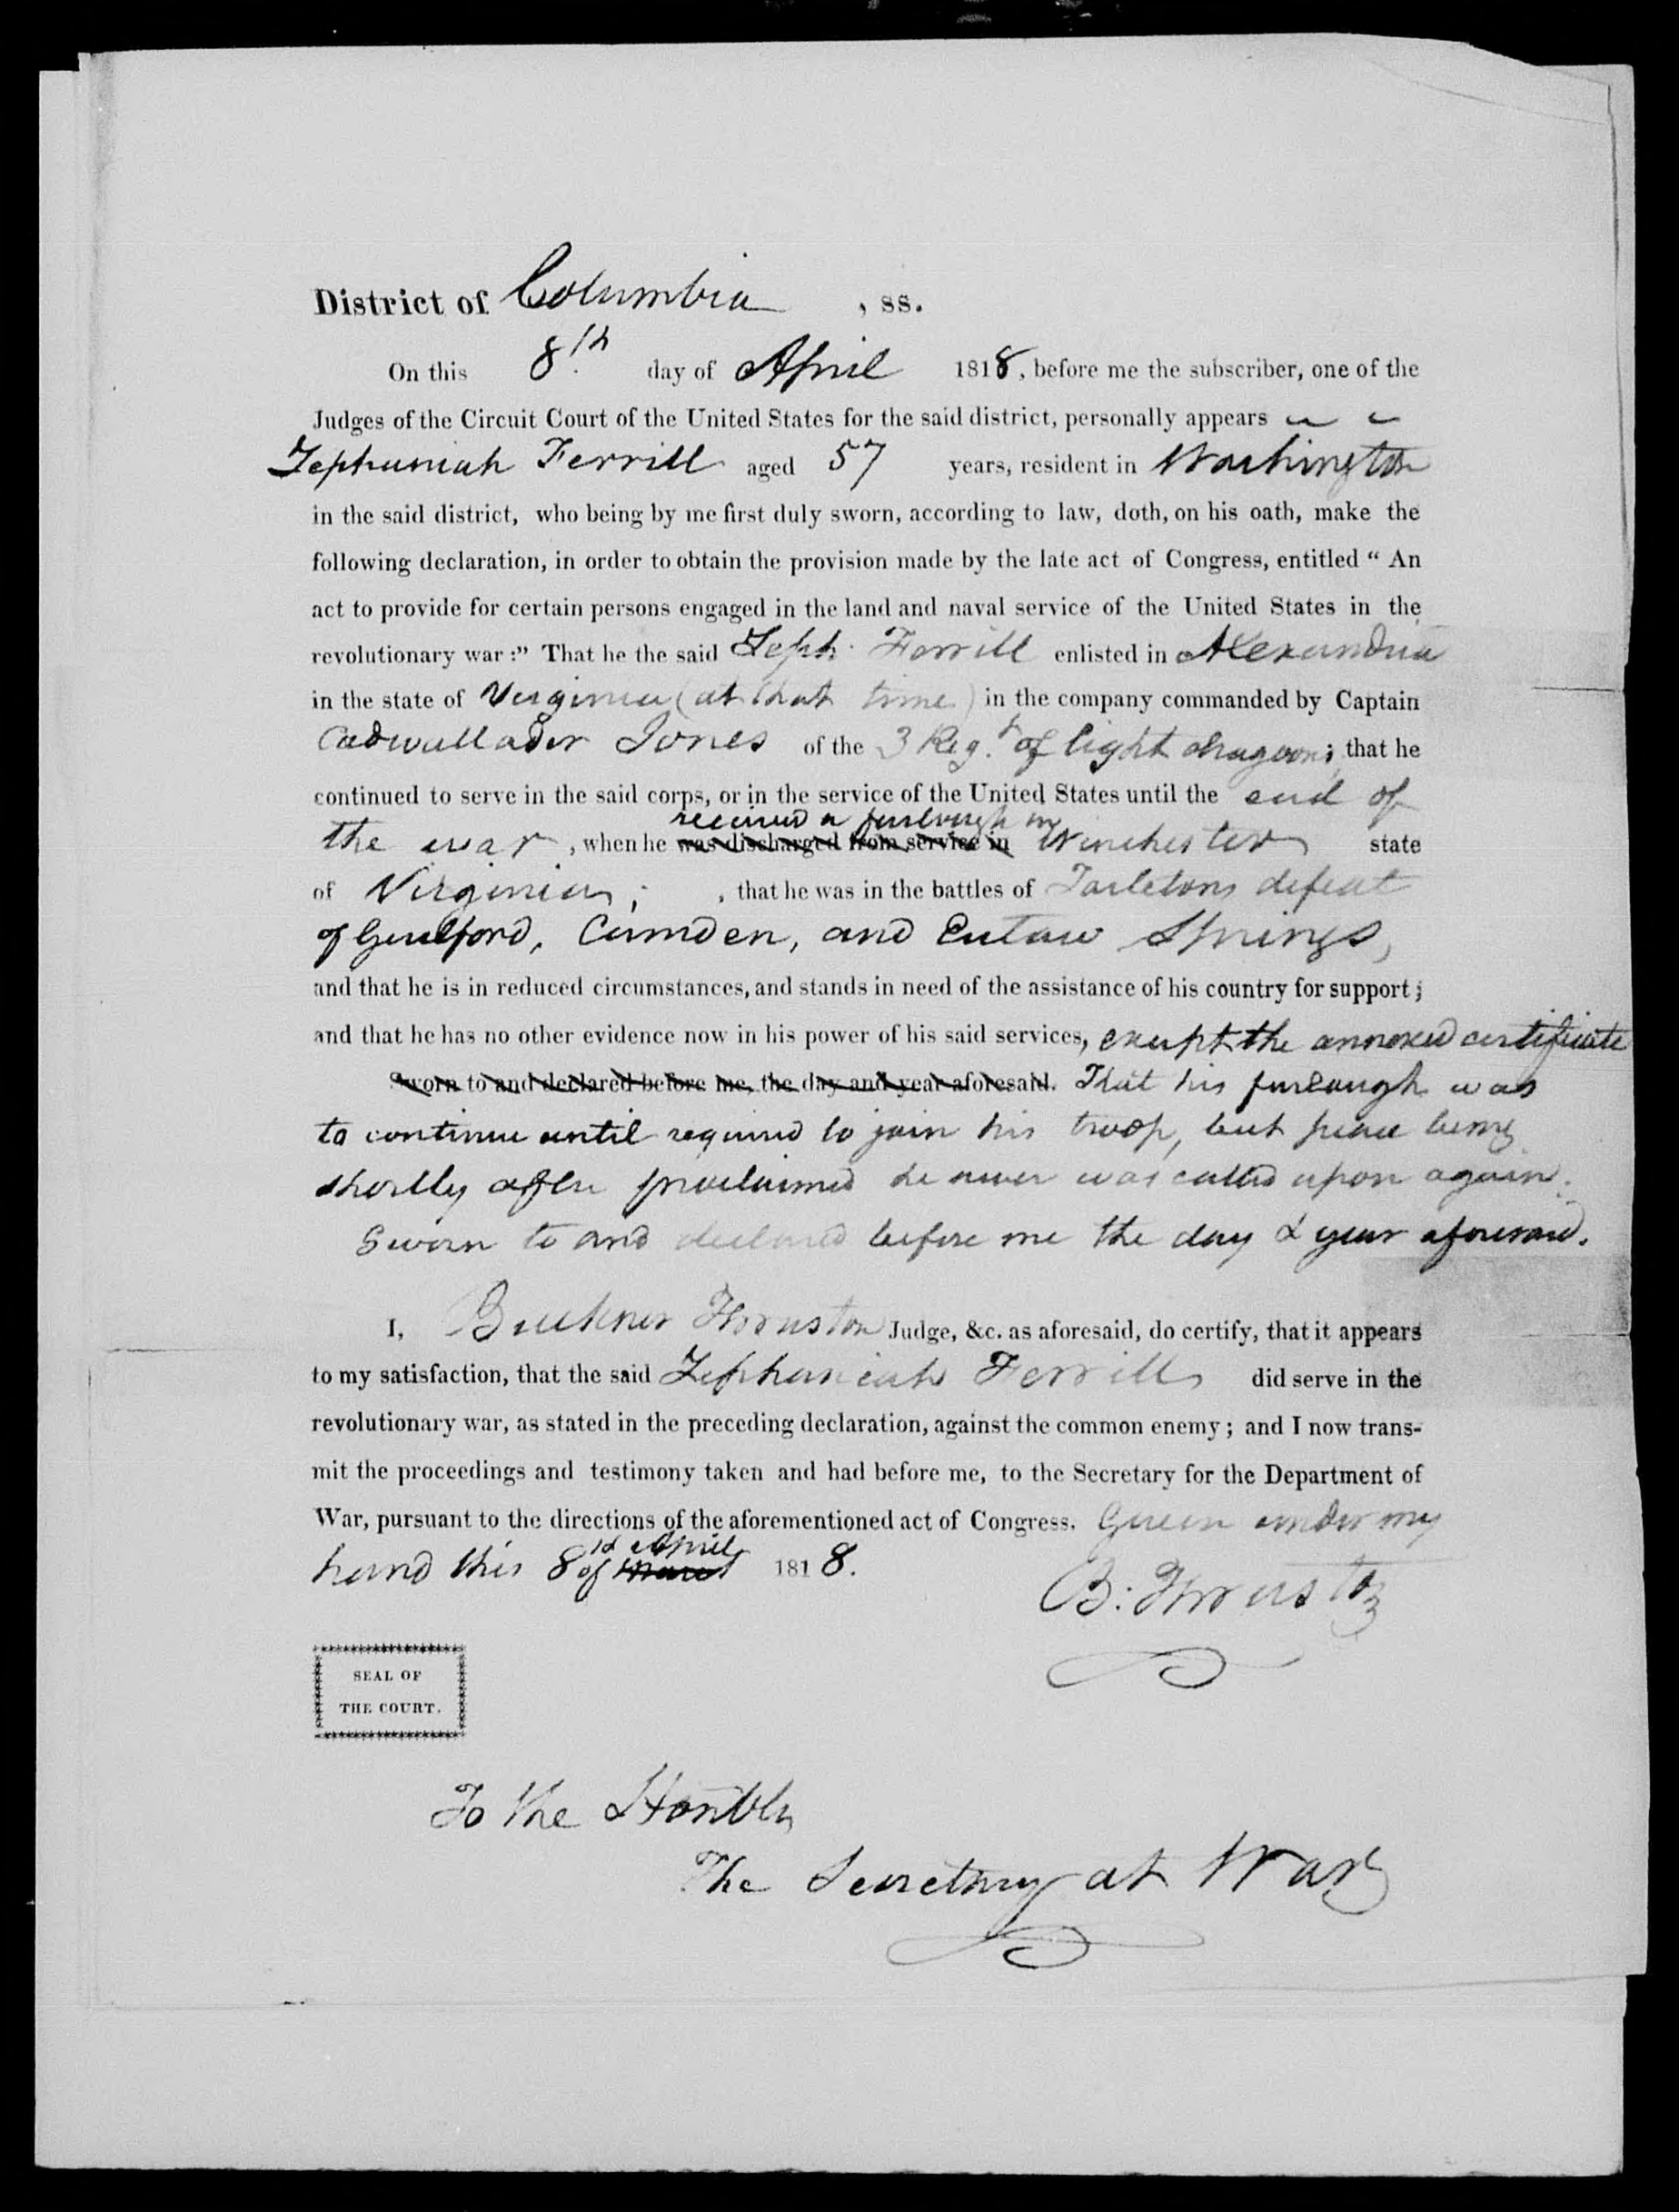District of Columbia, ss.

On this 8th day of April 1818, before me the subscriber, one of the Judges of the Circuit Court of the United States for the said district, personally appears Zephaniah Ferrill aged 57
years, resident in Washington in the said district, who being by me first duly sworn, according to law, doth, on his oath, make the
following declaration, in order to obtain the provision made by the late act of Congress, entitled "An act to provide for certain persons engaged in the land and naval service of the United States in the revolutionary war:" That he the said Zeph. Farrill enlisted in Alexandria in the state of Virginia (at that time) in the company commanded by Captain Cadwallader Jones of the 3 Regt. of Light Dragoons that he continued to serve in the said corps, or in the service of the United States until the end of the war, when he received a furlough in Winchester State of Virginia; that he was in the battles of Tarleton's defeat, of Guilford, Camden, and Eutaw Springs, and that he is in reduced circumstances, and stands in need of the assistance of his country for support; and that he has no other evidence now in his power of his said services, except the annexed certificate. 

["Sworn to and declared before me, the day and year aforesaid" crossed out]

That his furlough was to continue until required to join his troop, but peace being shortly after proclaimed he never was called upon again.

Sworn to and declared before me the day & year aforesaid.

I, Buckner Thruston Judge, &c. as aforesaid, do certify, that it appears to my satisfaction, that the said Zephaniah Ferrill did serve in the
revolutionary war, as stated in the preceding declaration, against the common enemy; and I now transmit the proceedings and testimony taken and had before me, to the Secretary for the Department of War, pursuant to the directions of the aforementioned act of Congress. Given under my hand this of 8th of April 1818

[Signed]
B. Thruston

SEAL OF THE COURT.

To the Hon'ble
The Secretary at War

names: Zephaniah Ferrill, Cadwallader Jones, B Thruston, Zephaniah Ferrill, Zeph Ferrill, Buckner Thruston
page: 4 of 12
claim: survivor's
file: S. 35928, Zephaniah Ferrill, Cont. (Va)